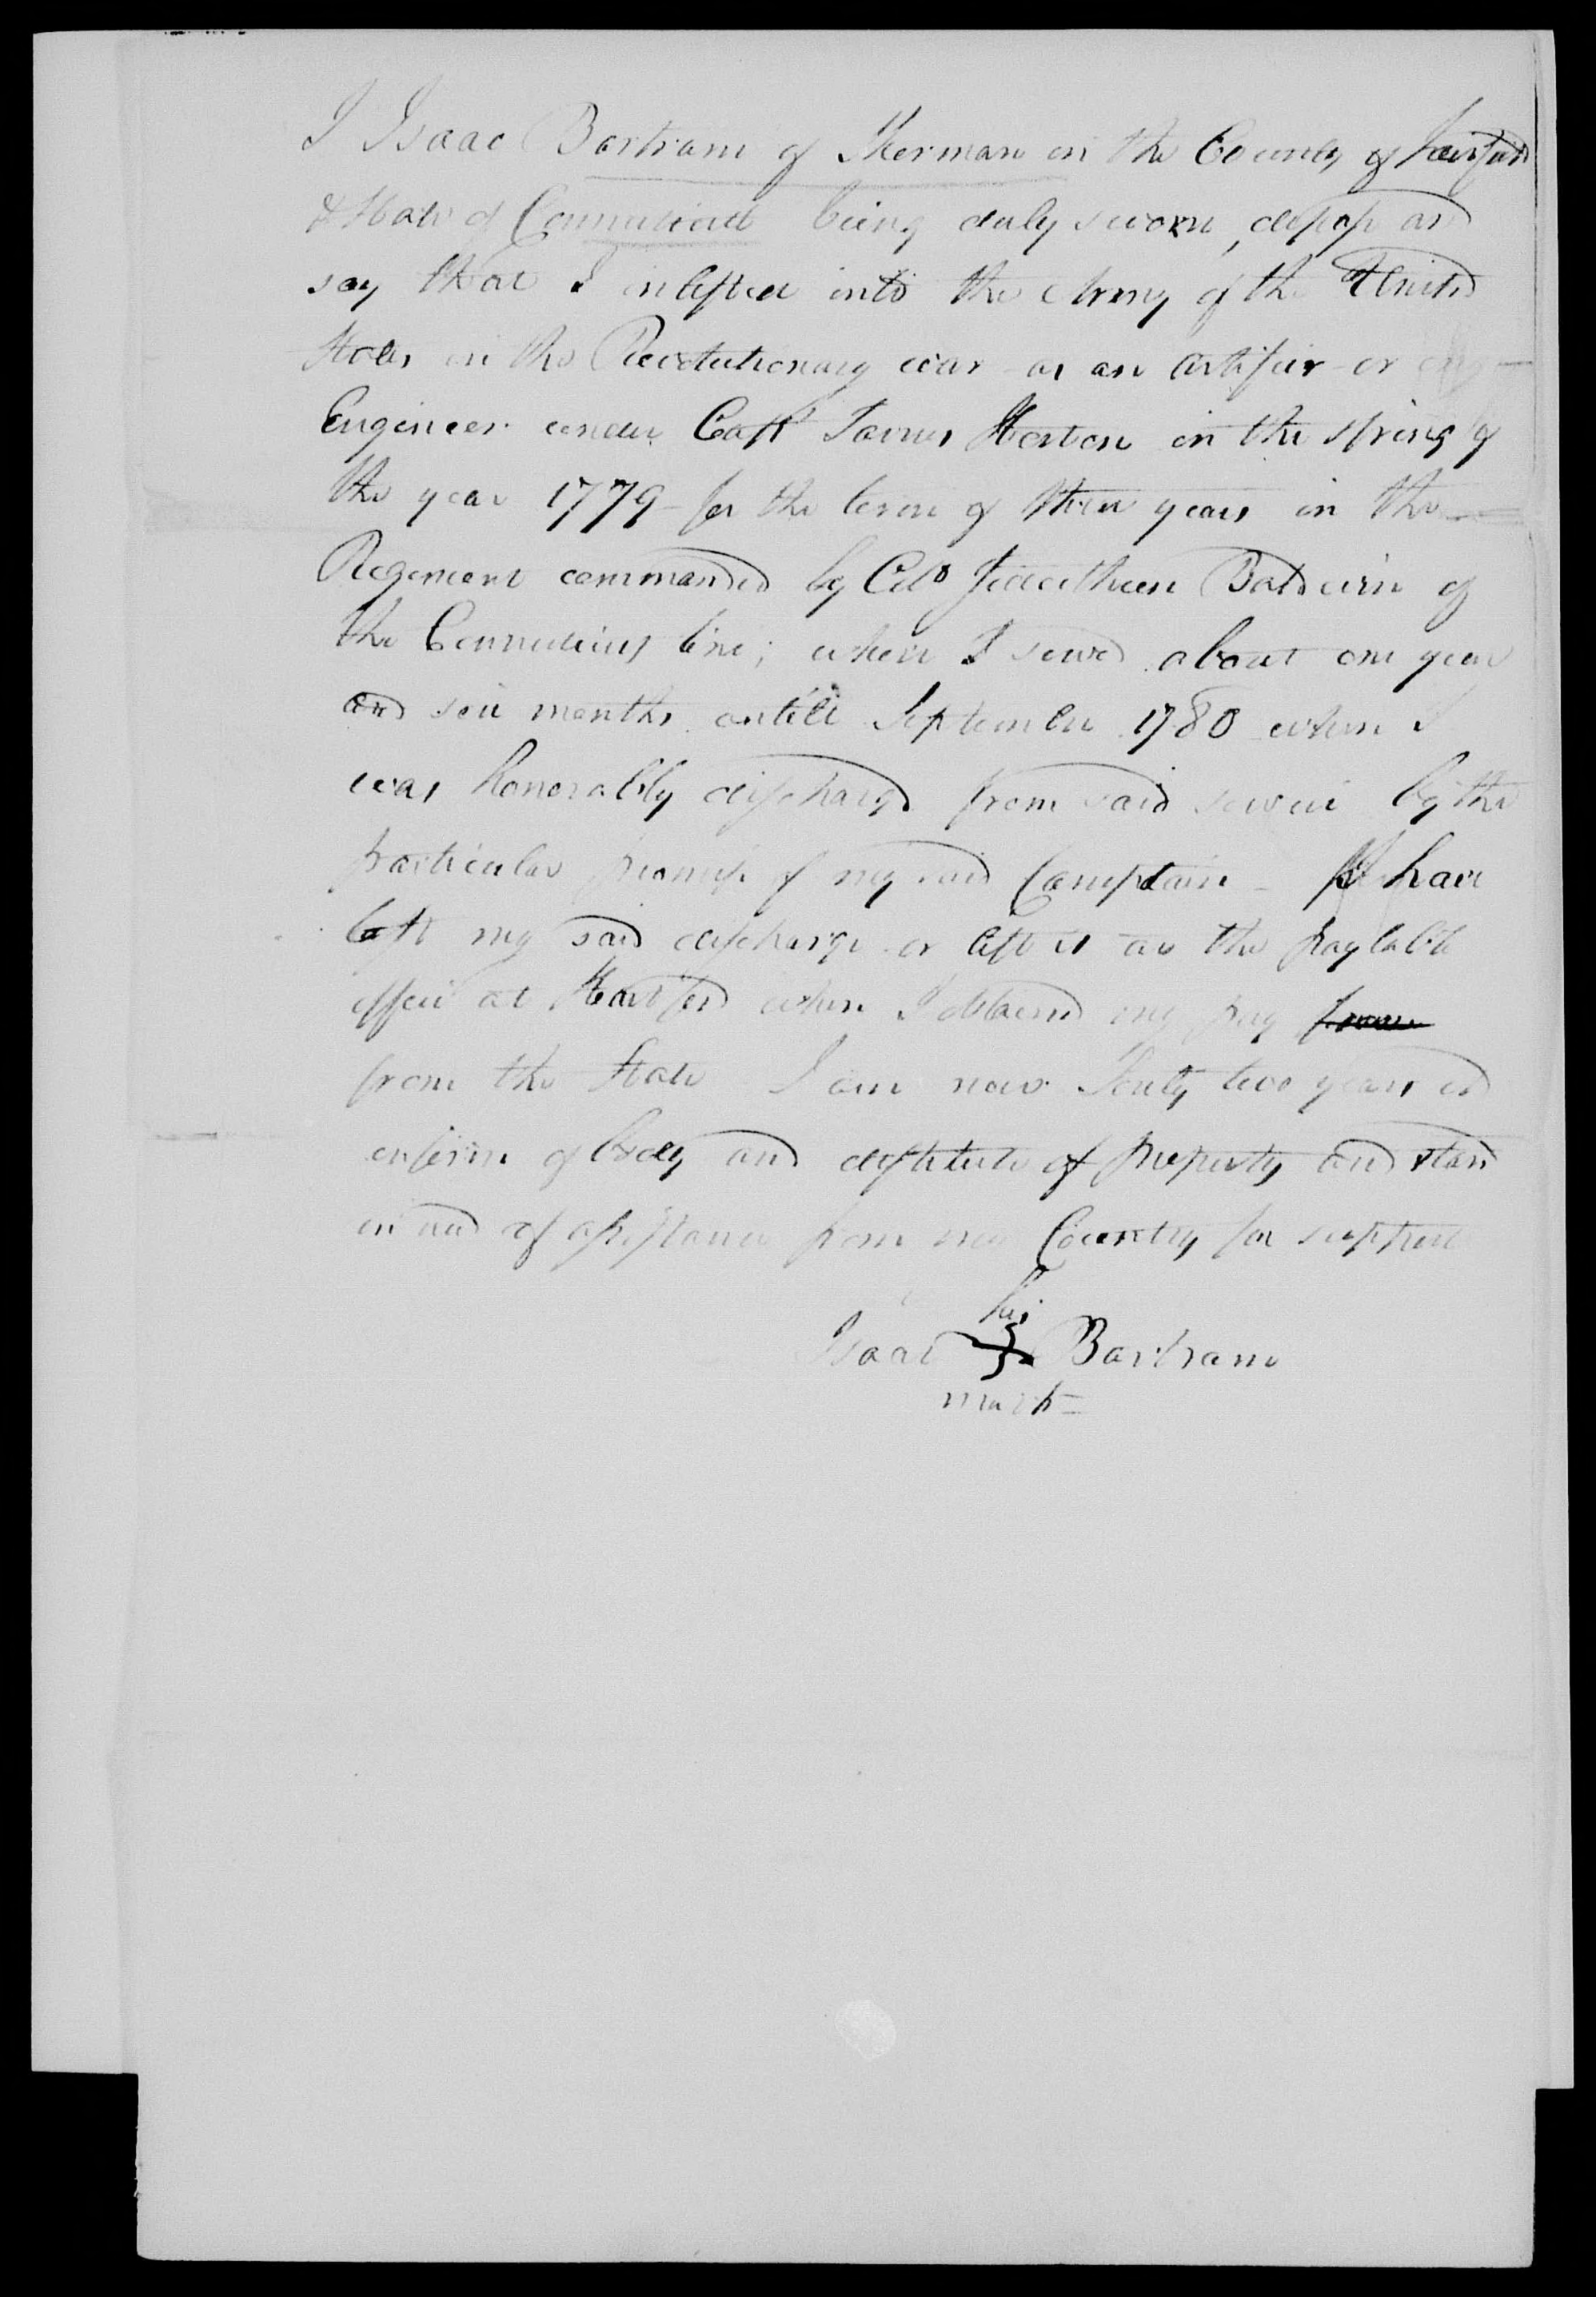I Isaac Bartram of Sherman in the County of Hartford
& State of Connecticut being duly sworn depose and
say that I inlisted into the Army of the United
states in the Revolutionary war as an artificer or
Engineer under Capt James Horton in the spring of
the year 1779 for the term of three years in the
Regiment commanded by Col Judathan Baldwin of
the Connecticut line; where I served about one year
and ten months untill September 1780 when I
was honorably discharge from said service by the
particular promise of my said Camptain I have
lost my said discharge or left it at the paylable
office at Hartford when I obtained my pay
from the State I am now senty two years old
infirm of Body and destitute of property and stand
in need of assistance from my Country for support

         his
Isaac   X   Bartram
         mark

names: Jeduthan Baldwin, Isaac Bartram, Isaac Bartram, James Horton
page: 4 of 39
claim: survivor's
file: S. 12110, Isaac Bartram, Continental (Conn)